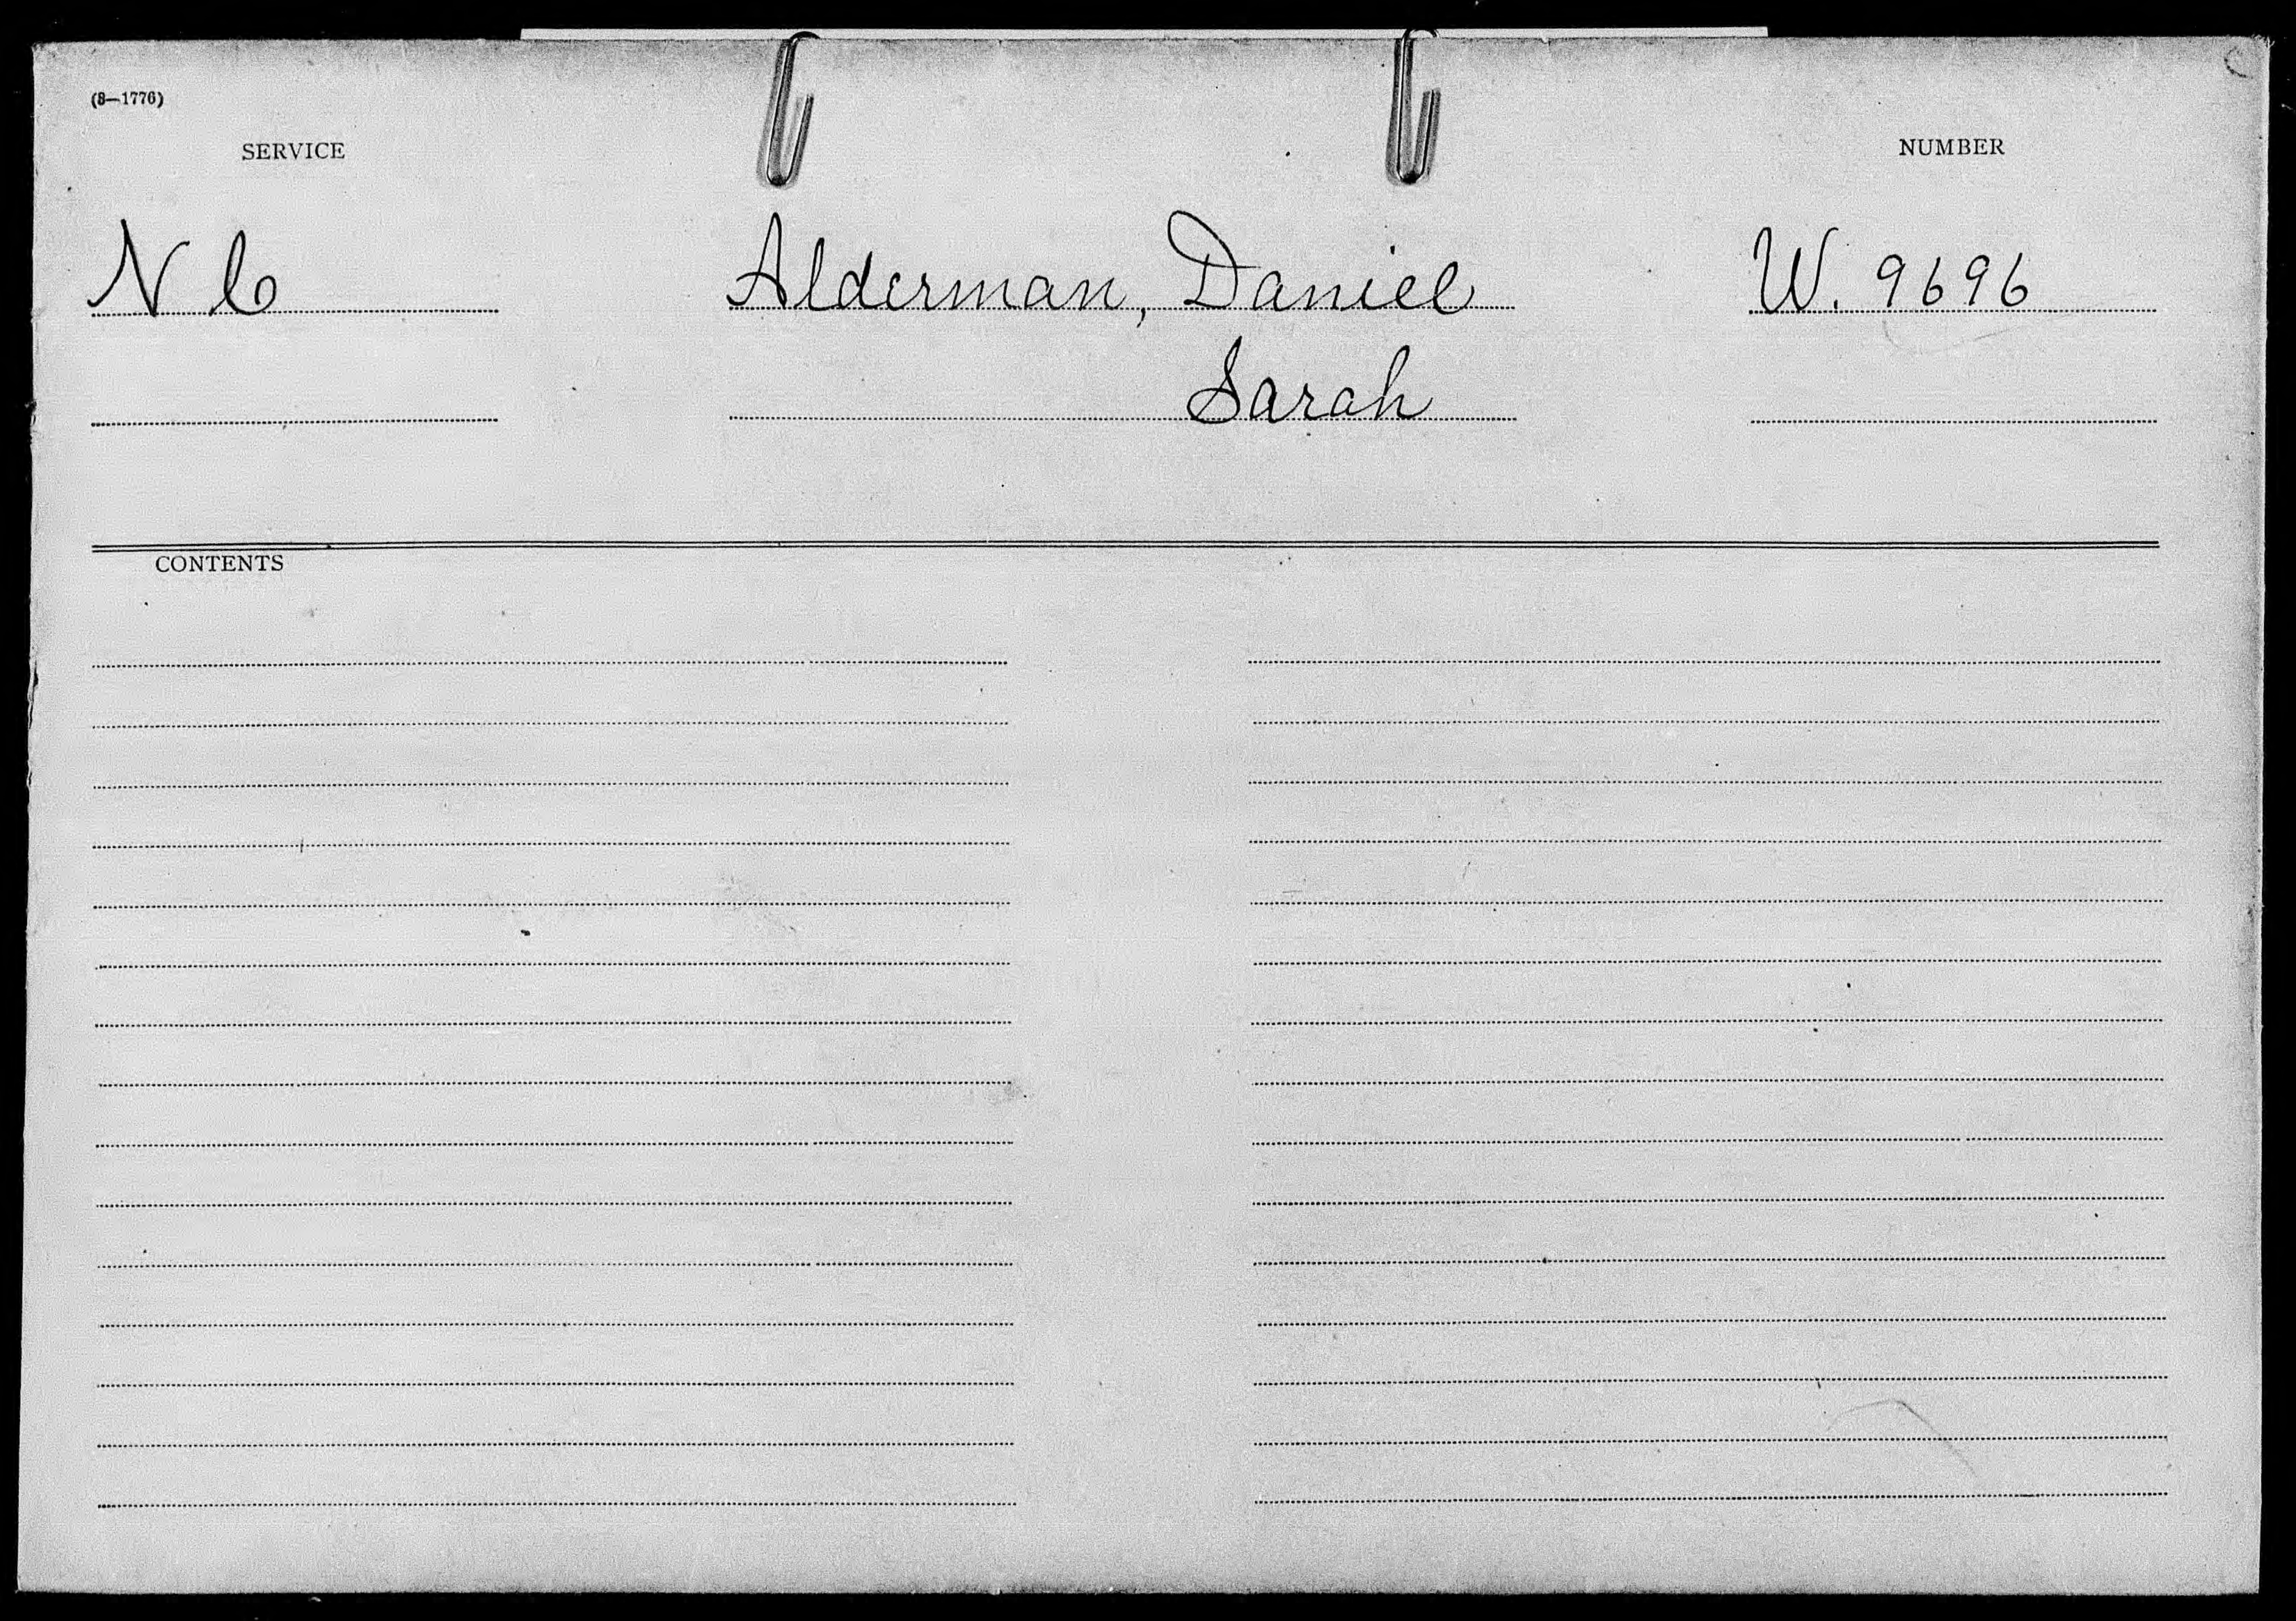(8- 1776)

SERVICE
N I

Alderman, Daniel
Sarah

NUMBER
W. 9696

----
CONTENTS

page: 1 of 35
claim: widow's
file: W. 9696, Daniel Alderman, N C